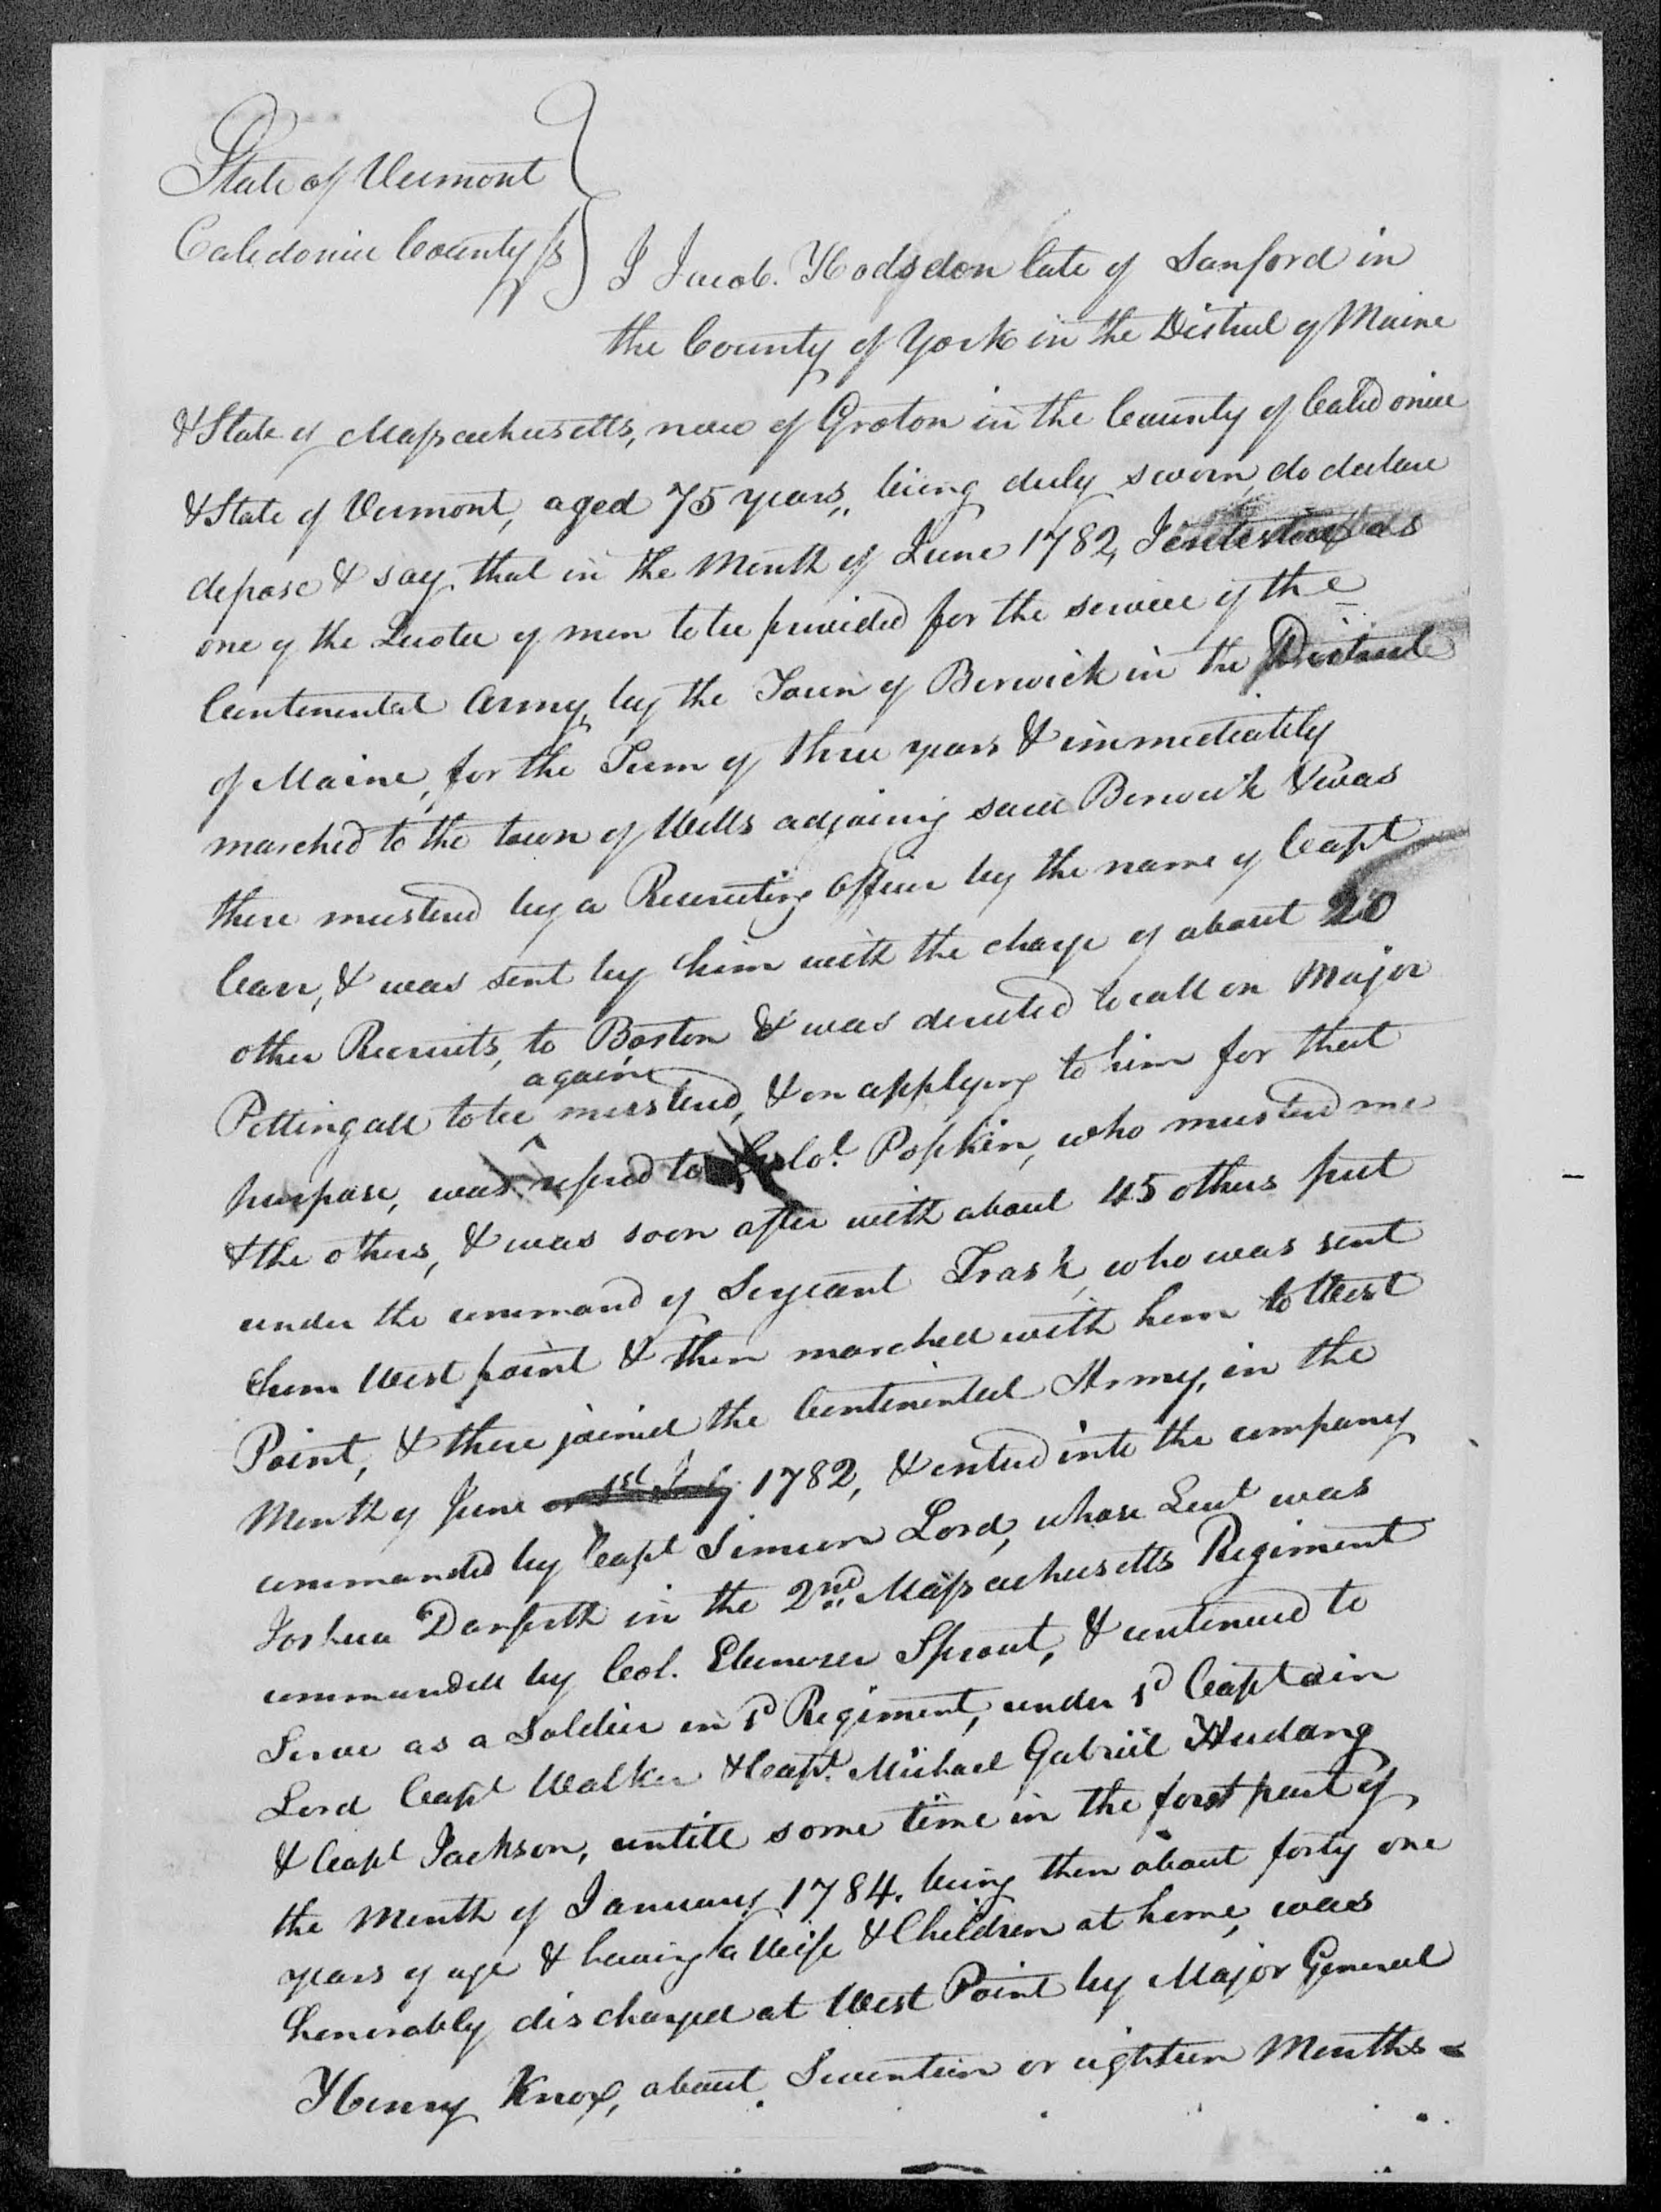State of Vermont
Caledonia County Ss
I Jacob Hodsdon late of Sanford in the County of York in the District of Maine & State of Massachusetts, now of Groton in the County of Caledonia & State of Vermont, aged 75 years being duly sworn do declare depose & say that in the month of June 1782, I enlisted as one of the Quota of men to be provided for the service if the Continental Army by the Town of Berwick in the District of Maine for the Term of three years & immediately marched to the town of Wells adjoining said Berwick & was there mustered by a Recruiting Officer by the name of Capt Can, & was sent by him with the charge of about 20 other Recruits, to Boston & was directed to call on Major Pettingall to be again mustered, & on applying to him for that purpose, was refered to Colol. Popkin, who mustered me & the others, & was soon after with about 45 others put under the command of Serjeant Trask, who was sent from West Point & then marched with him to West Point, & there joined the Continental Army, in the Month of June 1782, & entered into the company commanded by Capt Simeon Lord, whos Leut was Joshua Danforth in the 2nd Massachusetts Regiment commanded by Col. Clarence Sprout, & continued to serve as a soldier in sd Regiment, under sd Captain Lord Capt Walker & Capt. Michael Gabriel Hudang & Capt Jackson, untill some time in the first part of the month of January 1784, being then about forty one years of age & having a wife & children at home, was honorably discharged at West Point by Major General Henry Knox, about Seventeen or eighteen months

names: Pettingall, Lord, Jacob Hodsdon, Jackson, Simeon Lord, Henry Knox, Walker, Michael Gabriel Hudang, Popkin, Trask, Joshua Danforth, Ebenezer Sprout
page: 3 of 22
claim: survivor's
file: S 44445, Jacob Hodsdon, Mass.